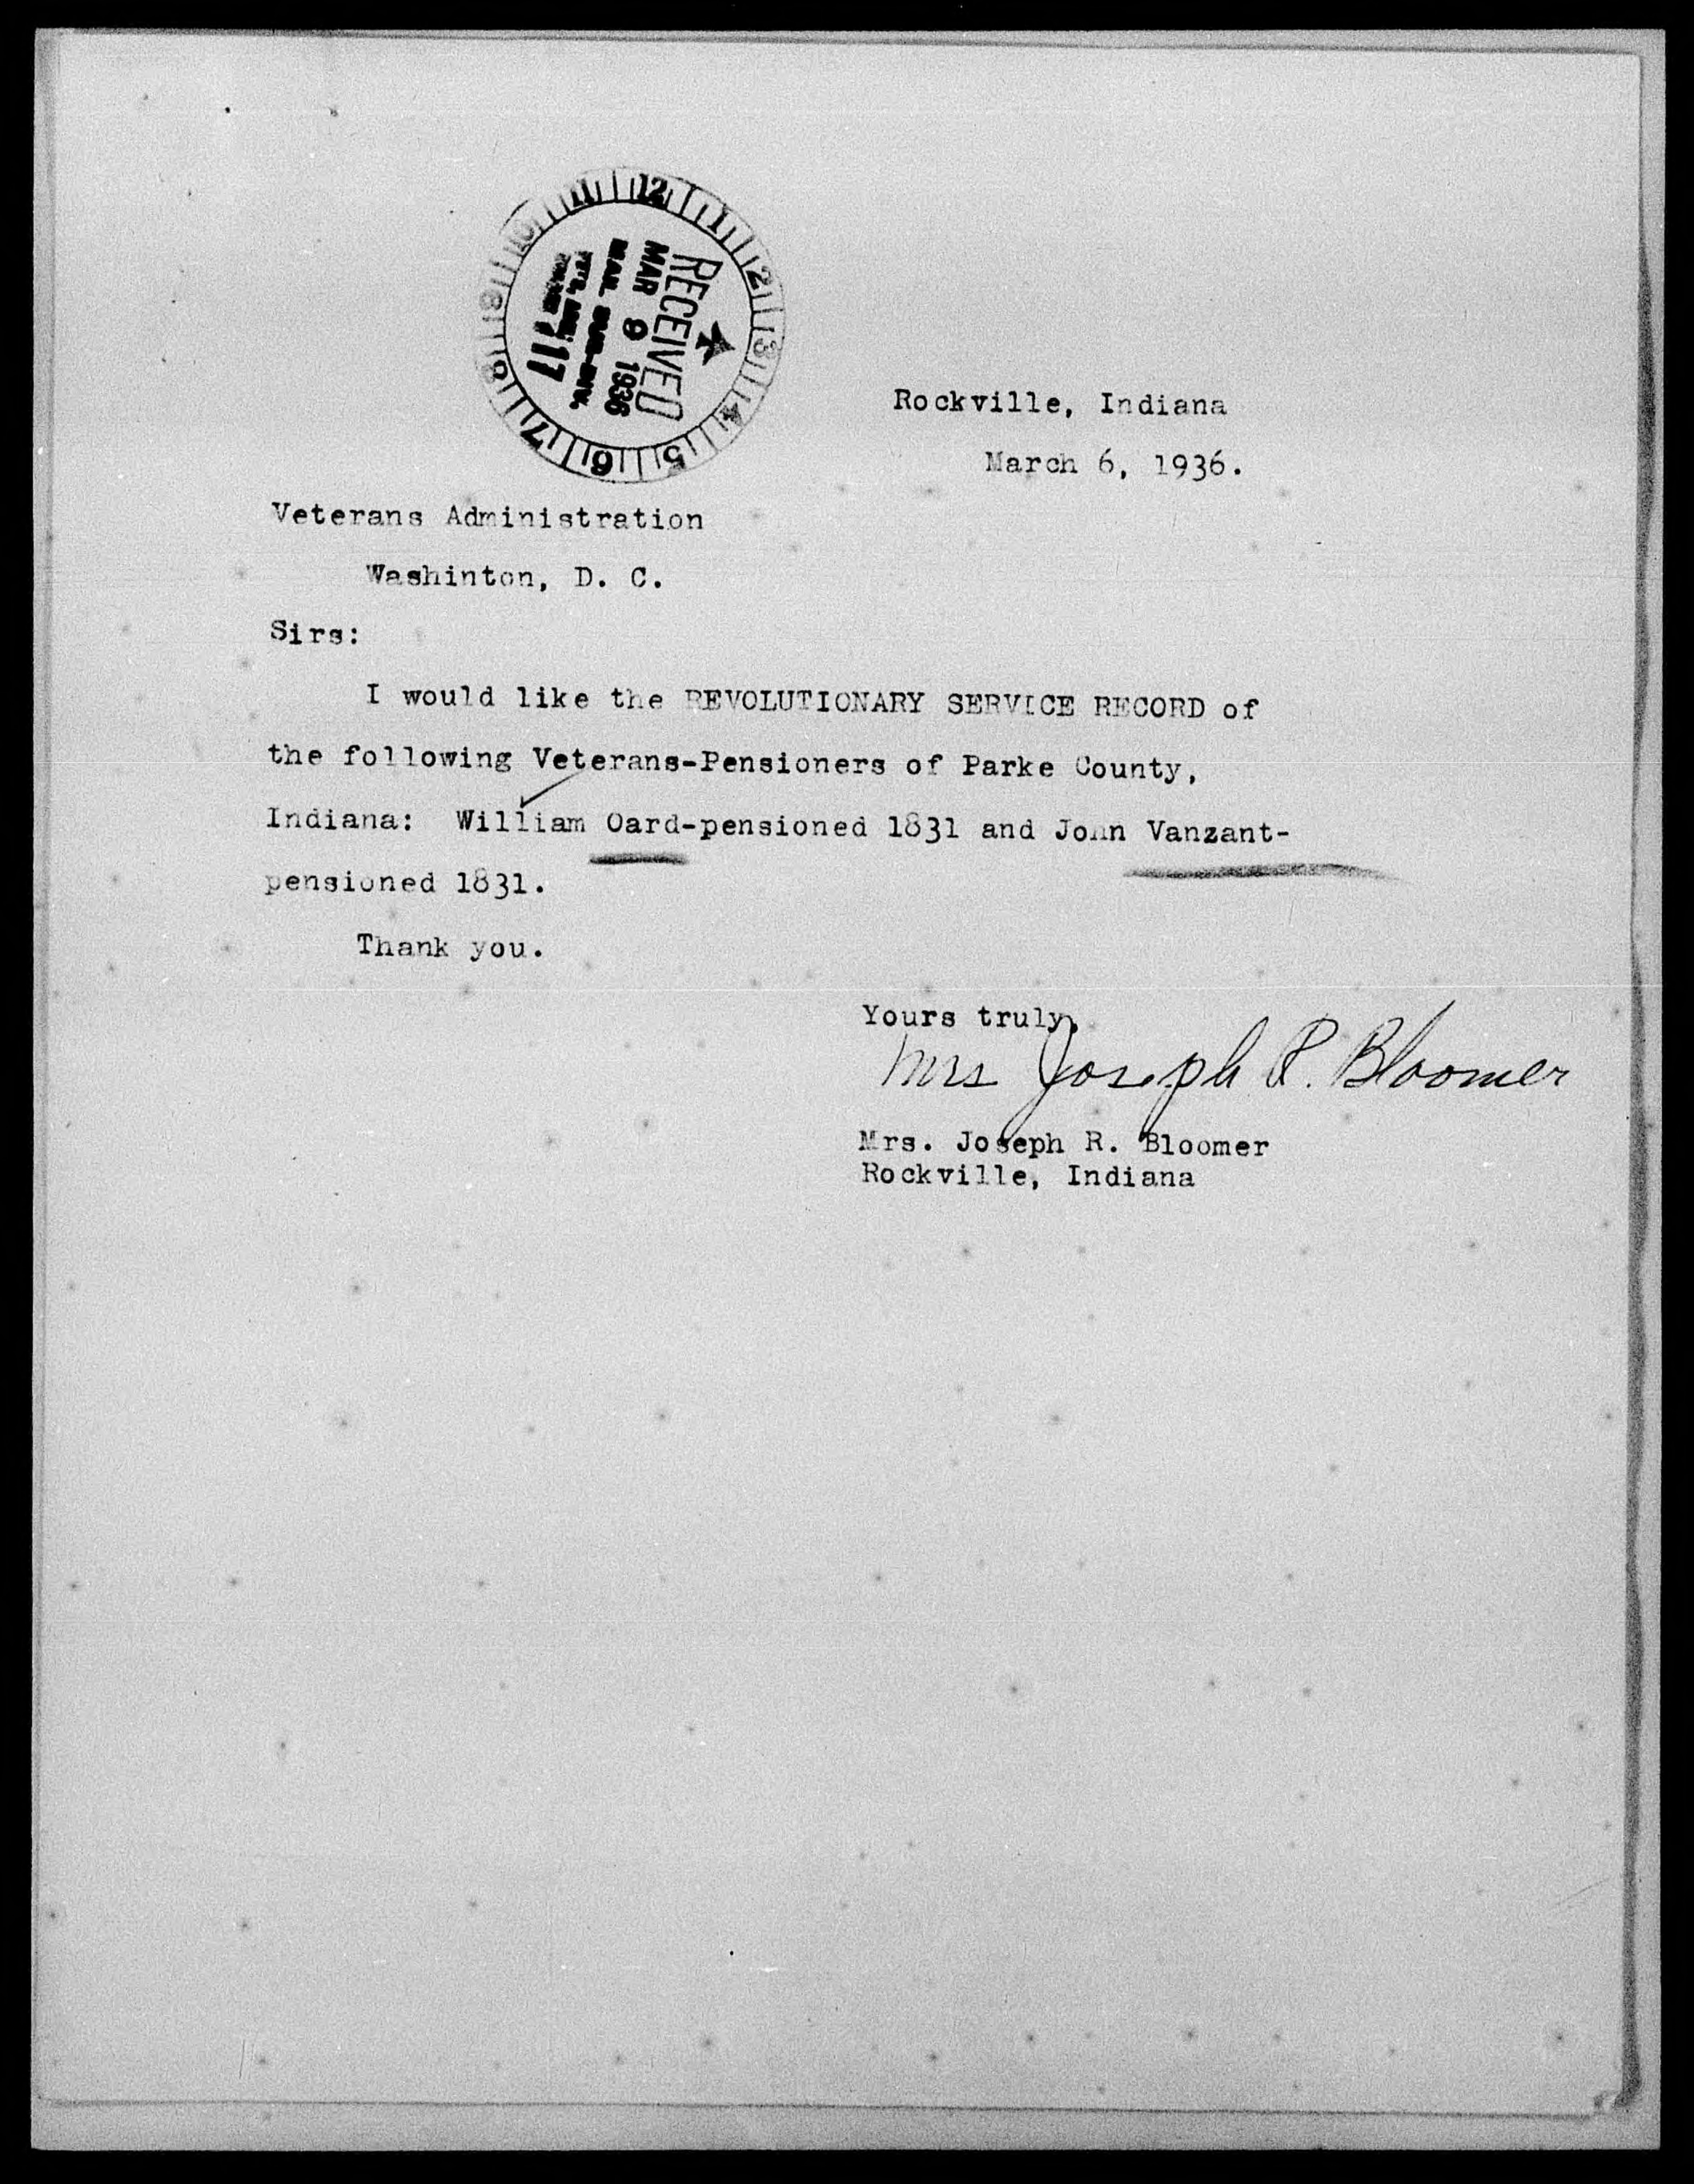RECEIVED STAMP - Mar 9, 1936

Rockville, Indiana
March 6, 1936

Veterans Administration
Washington, D.C.

Sirs:

I would like the revolutionary service record of the following veterans-pensioners of Parke County, Indiana; William Oard pensioned 1831 and John Vanzant pensioned 1831.

Thank you.

Yours truly

Mrs. Joseph R. Bloomer
Rockville, Indiana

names: Joseph R Bloomer; William Oard; John Vanzant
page: 17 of 18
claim: survivor's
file: S. 16,496, for William Oard, Maryland